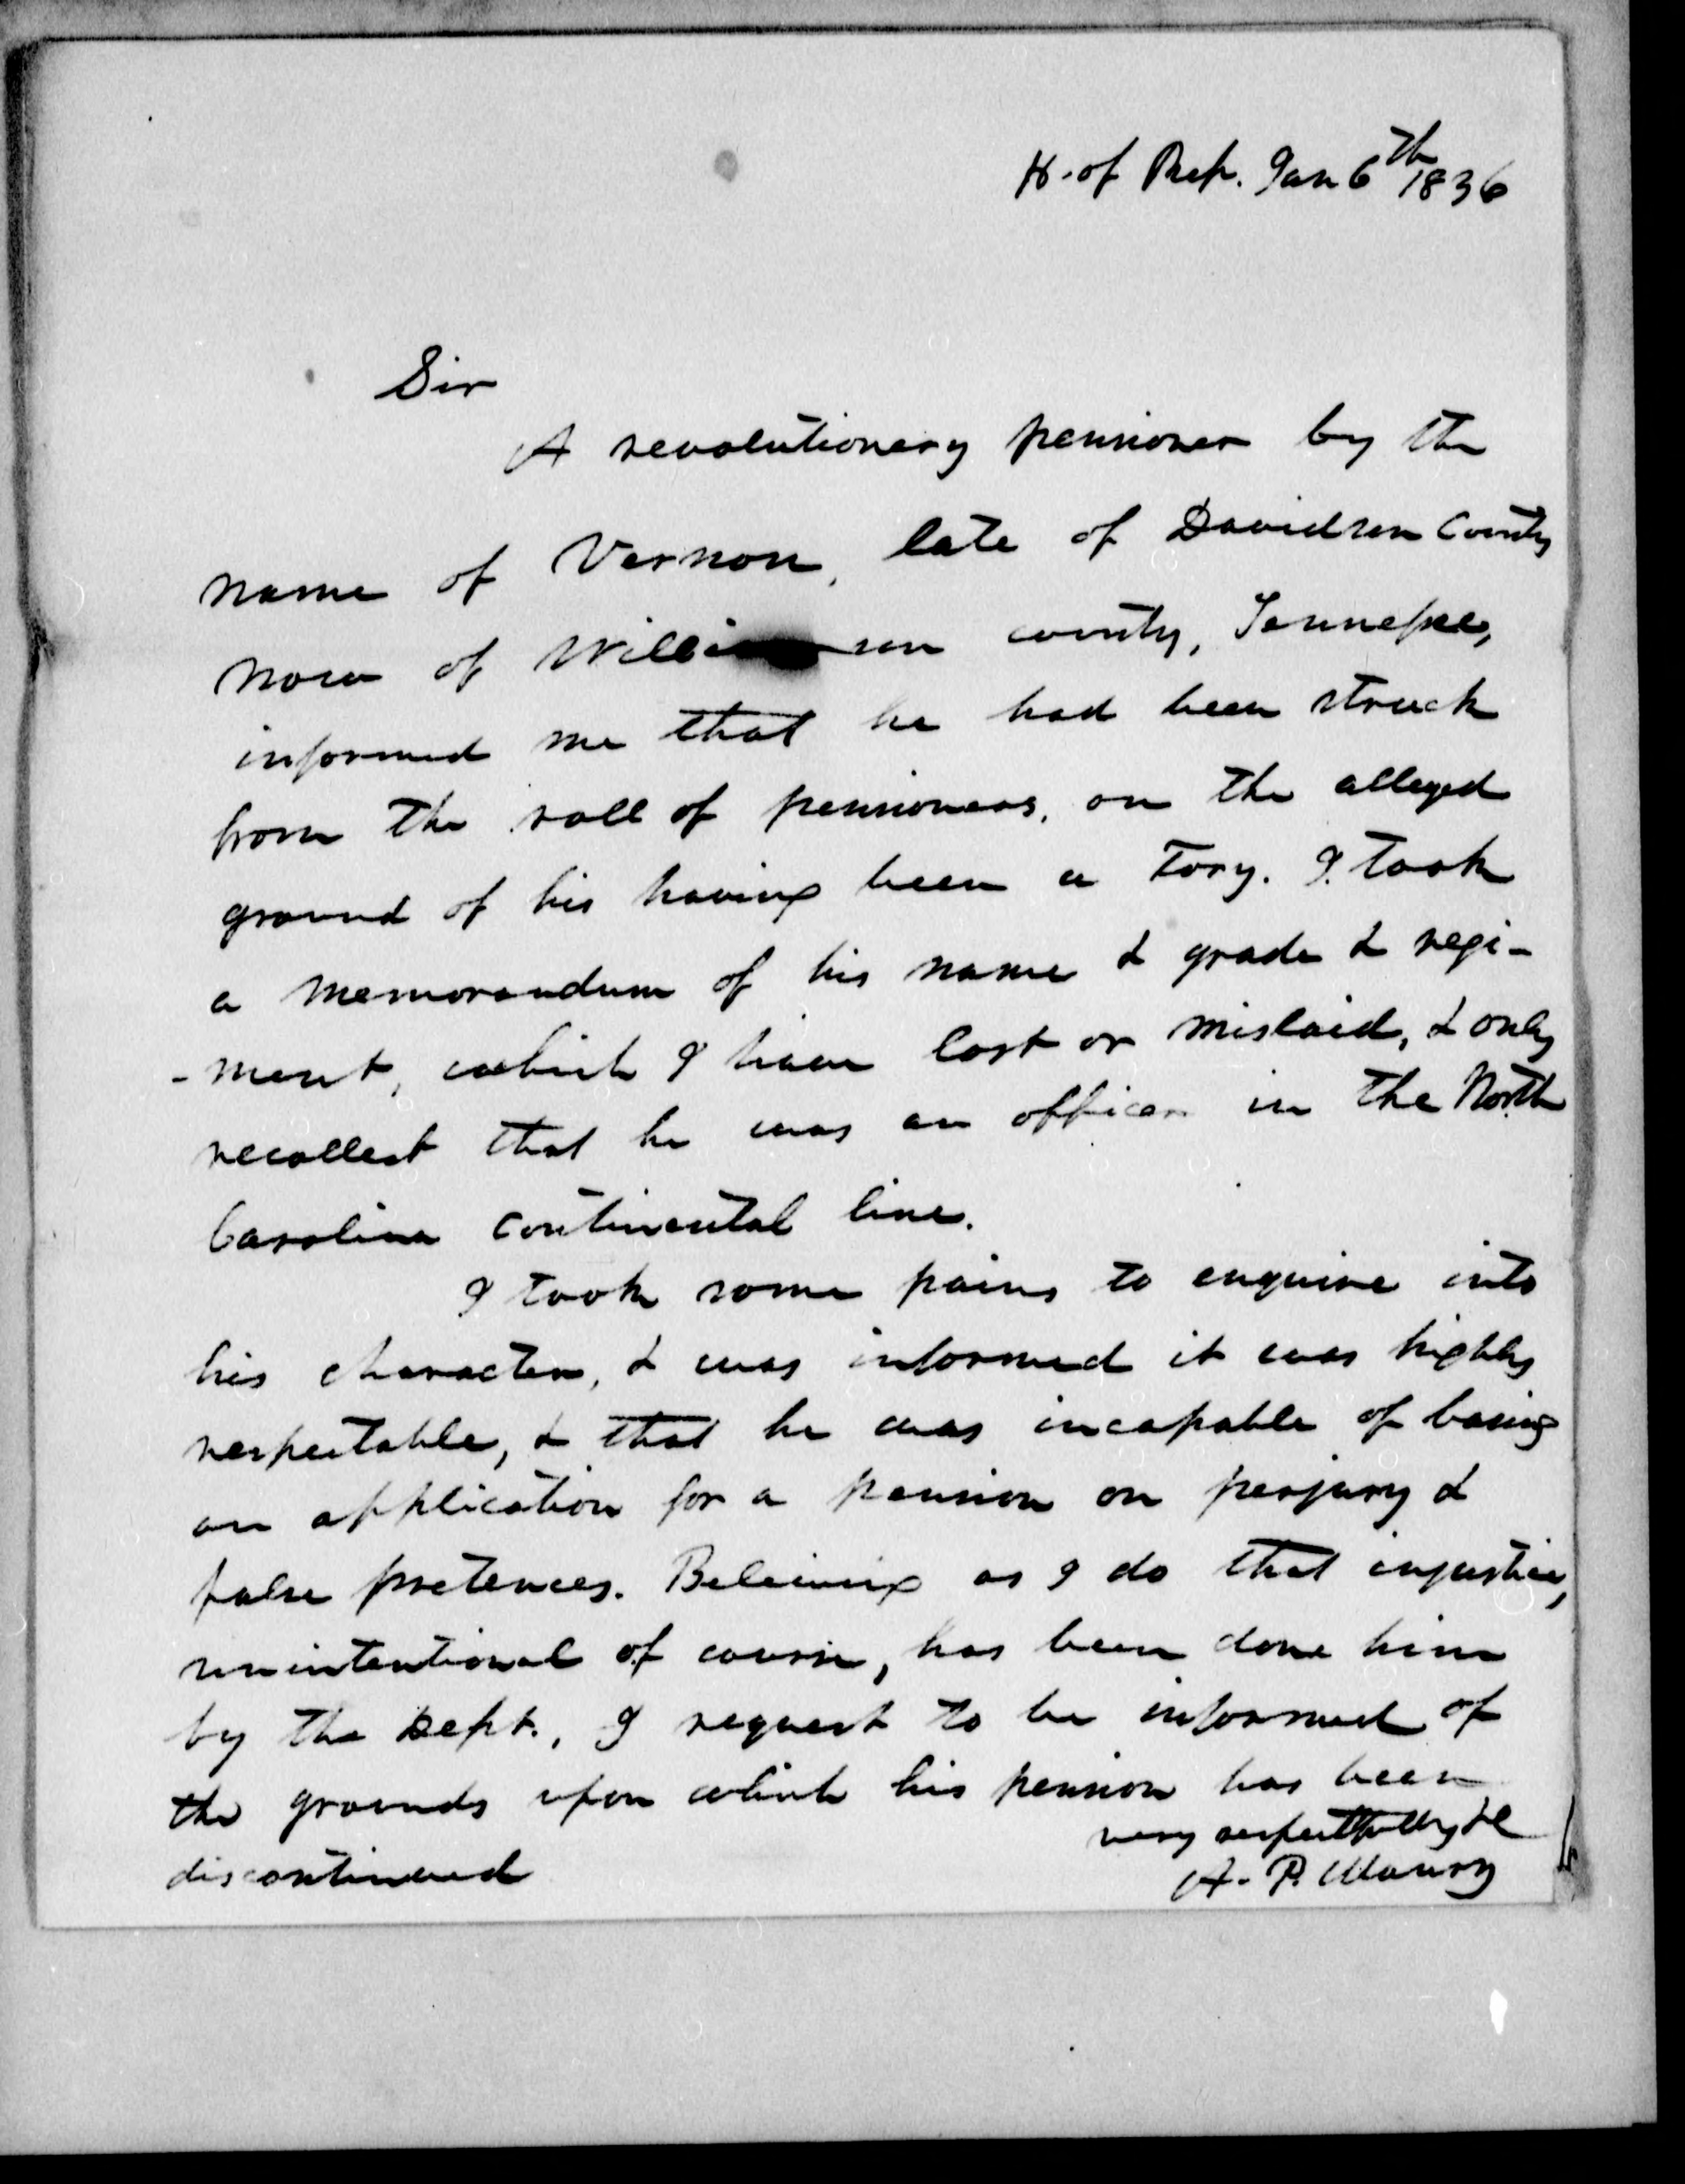H. of Rep. Jan 6th 1836
Sir
A revolutionary pensioner by the name of Vernon, late of Davidson County now of Williamson county, Tennessee, informed me that he had been struck from the roll of pensioners on the alleged ground of his having been a Tory. I took a memorandum of his name & grade & regiment, which I have lost or mislaid, I only recollect that he was an officer in The North Carolina Continental line.
I took some pains to inquire into his character, I was informed it was highly respectable, & that he was incapable of basing an application for a pension on perjury & false pretences.  Believing as I do that injustices unintentional of course, has been done him by the Dept., I request to be informed of the grounds from which his pension has been discontinued.
Very respectfully 
A. P. Maury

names: A P Maury, Vernon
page: 66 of 105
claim: survivor's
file: S. 1883, Richard Vernon, N.C.